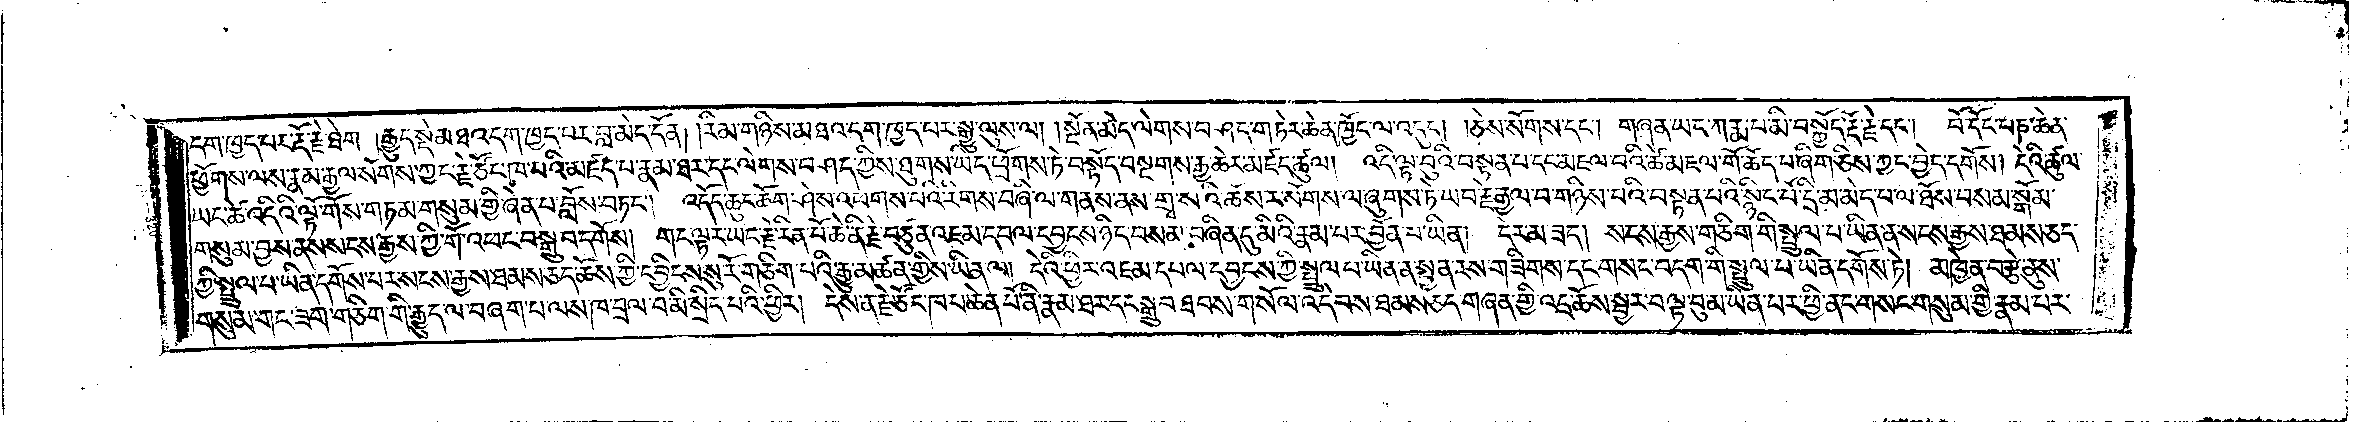དག་ཁྱད་པར་རྡོ་རྗེ་ཐེག །རྒྱུད་སྡེ་མཐའ་དག་ཁྱད་པར་བླ་མེད་དོན། །རིམ་གཉིས་མཐའ་དག་ཁྱད་པར་སྒྱུ་ལུས་ལ། །སྔོན་མེད་ལེགས་བཤད་གཏེར་ཆེན་ཁྱོད་ལ་འདུད། །ཅེས་སོགས་དང་། གཞན་ཡང་ཀརྨ་པ་མི་བསྐྱོད་རྡོ་རྗེ་དང་། པོ་དོང་པཎ་ཆེན་
ཕྱོགས་ལས་རྣམ་རྒྱལ་སོགས་ཀྱང་རྗེ་ཙོང་ཁ་པའི་མཛད་པ་རྣམ་ཐར་དང་ལེགས་བཤད་ཀྱིས་ཐུགས་ཡིད་ཕྲོགས་ཏེ་བསྟོད་བསྔགས་རྒྱ་ཆེར་མཛད་ཚུལ། འདི་ལྟ་བུའི་བསྟན་པ་དང་མཇལ་བའི་ཚེ་མཇལ་གོ་ཆོད་པ་ཞིག་ཅིས་ཀྱང་བྱེད་དགོས། དེའི་ཚུལ་
ཡང་ཚེ་འདིའི་ལྟོ་གོས་གཏམ་གསུམ་གྱི་ཞེན་པ་བློས་བཏང་། འདོད་ཆུང་ཆོག་ཤེས་འཕགས་པའི་རིགས་བཞི་ལ་གནས་ནས་གྲྭ་སའི་ཆོས་ར་སོགས་ལ་ཞུགས་ཏེ་ཡབ་རྗེ་རྒྱལ་བ་གཉིས་པའི་བསྟན་པའི་སྙིང་པོ་དྲི་མ་མེད་པ་ལ་ཐོས་བསམ་སྒོམ་
གསུམ་བྱས་ནས་སངས་རྒྱས་ཀྱི་གོ་འཕང་བསྒྲུབ་དགོས། གང་ལྟར་ཡང་རྗེ་རིན་པོ་ཆེ་ནི་རྗེ་བཙུན་འཇམ་དཔལ་དབྱངས་ཉིད་བསམ་བཞིན་དུ་མིའི་རྣམ་པར་བྱོན་པ་ཡིན། དེར་མ་ཟད། སངས་རྒྱས་གཅིག་གི་སྤྲུལ་པ་ཡིན་ན་སངས་རྒྱས་ཐམས་ཅད་
ཀྱི་སྤྲུལ་པ་ཡིན་དགོས་པར་སངས་རྒྱས་ཐམས་ཅད་ཆོས་ཀྱི་དབྱིངས་སུ་རོ་གཅིག་པའི་རྒྱུ་མཚན་གྱིས་ཡིན་ལ། དེའི་ཕྱིར་འཇམ་དཔལ་དབྱངས་ཀྱི་སྤྲུལ་པ་ཡིན་ན་སྤྱན་རས་གཟིགས་དང་གསང་བདག་གི་སྤྲུལ་པ་ཡིན་དགོས་ཏེ། མཁྱེན་བརྩེ་ནུས་
གསུམ་གང་ཟག་གཅིག་གི་རྒྱུད་ལ་བཞག་པ་ལས་ཁ་བྲལ་བ་མི་སྲིད་པའི་ཕྱིར། དེས་ན་རྗེ་ཙོང་ཁ་པ་ཆེན་པོ་ནི་རྣམ་ཐར་དང་སྒྲུབ་ཐབས་གསོལ་འདེབས་ཐམས་ཅད་གཞན་གྱི་འདྲ་ཆོས་སྦྱར་བ་ལྟ་བུ་མ་ཡིན་པར་ཕྱི་ནང་གསང་གསུམ་གྱི་རྣམ་པར་